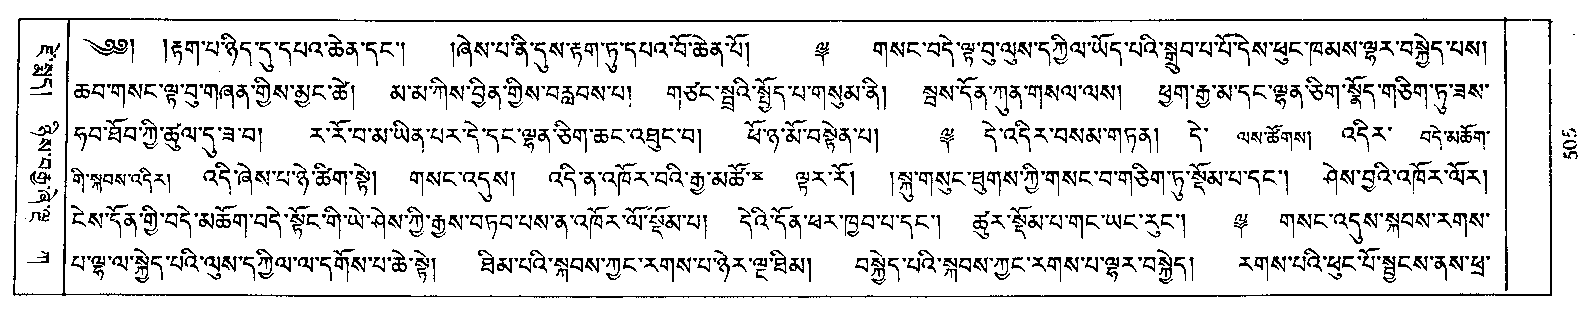༄༅། །རྟག་པ་ཉིད་དུ་དཔའ་ཆེན་དང་། །ཞེས་པ་ནི་དུས་རྟག་ཏུ་དཔའ་བོ་ཆེན་པོ། ༈ གསང་བདེ་ལྟ་བུ་ལུས་དཀྱིལ་ཡོད་པའི་སྒྲུབ་པ་པོ་དེས་ཕུང་ཁམས་ལྷར་བསྐྱེད་པས།
ཆབ་གསང་ལྟ་བུ་གཞན་གྱིས་མྱང་ཚེ། མ་མ་ཀིས་བྱིན་གྱིས་བརླབས་པ། གཙང་སྦྲའི་སྤྱོད་པ་གསུམ་ནི། སྦས་དོན་ཀུན་གསལ་ལས། ཕྱག་རྒྱ་མ་དང་ལྷན་ཅིག་སྣོད་གཅིག་ཏུ་ཟས་
ཧབ་ཐོབ་ཀྱི་ཚུལ་དུ་ཟ་བ། ར་རོ་བ་མ་ཡིན་པར་དེ་དང་ལྷན་ཅིག་ཆང་འཐུང་བ། ཕོ་ཉ་མོ་བསྟེན་པ། ༈ དེ་འདིར་བསམ་གཏན། དེ་ལས་ཚོགས། འདིར་བདེ་མཆོག་
གི་སྐབས་འདིར། འདི་ཞེས་པ་ཉེ་ཚིག་སྟེ། གསང་འདུས། འདི་ན་འཁོར་བའི་རྒྱ་མཚོ་྾་ལྟར་རོ། །སྐུ་གསུང་ཐུགས་ཀྱི་གསང་བ་གཅིག་ཏུ་སྡོམ་པ་དང་། ཤེས་བྱའི་འཁོར་ལོར།
ངེས་དོན་གྱི་བདེ་མཆོག་བདེ་སྟོང་གི་ཡེ་ཤེས་ཀྱི་རྒྱས་བཏབ་པས་ན་འཁོར་ལོ་སྡོམ་པ། དེའི་དོན་ཕར་ཁྱབ་པ་དང་། ཚུར་སྡོམ་པ་གང་ཡང་རུང་། ༈ གསང་འདུས་སྐབས་རགས་
པ་ལྷ་ལ་སྐྱེད་པའི་ལུས་དཀྱིལ་ལ་དགོས་པ་ཆེ་སྟེ། ཐིམ་པའི་སྐབས་ཀྱང་རགས་པ་ཉེར་ལྔ་ཐིམ། བསྐྱེད་པའི་སྐབས་ཀྱང་རགས་པ་ལྷར་བསྐྱེད། རགས་པའི་ཕུང་པོ་སྦྱངས་ནས་ཕྲ་